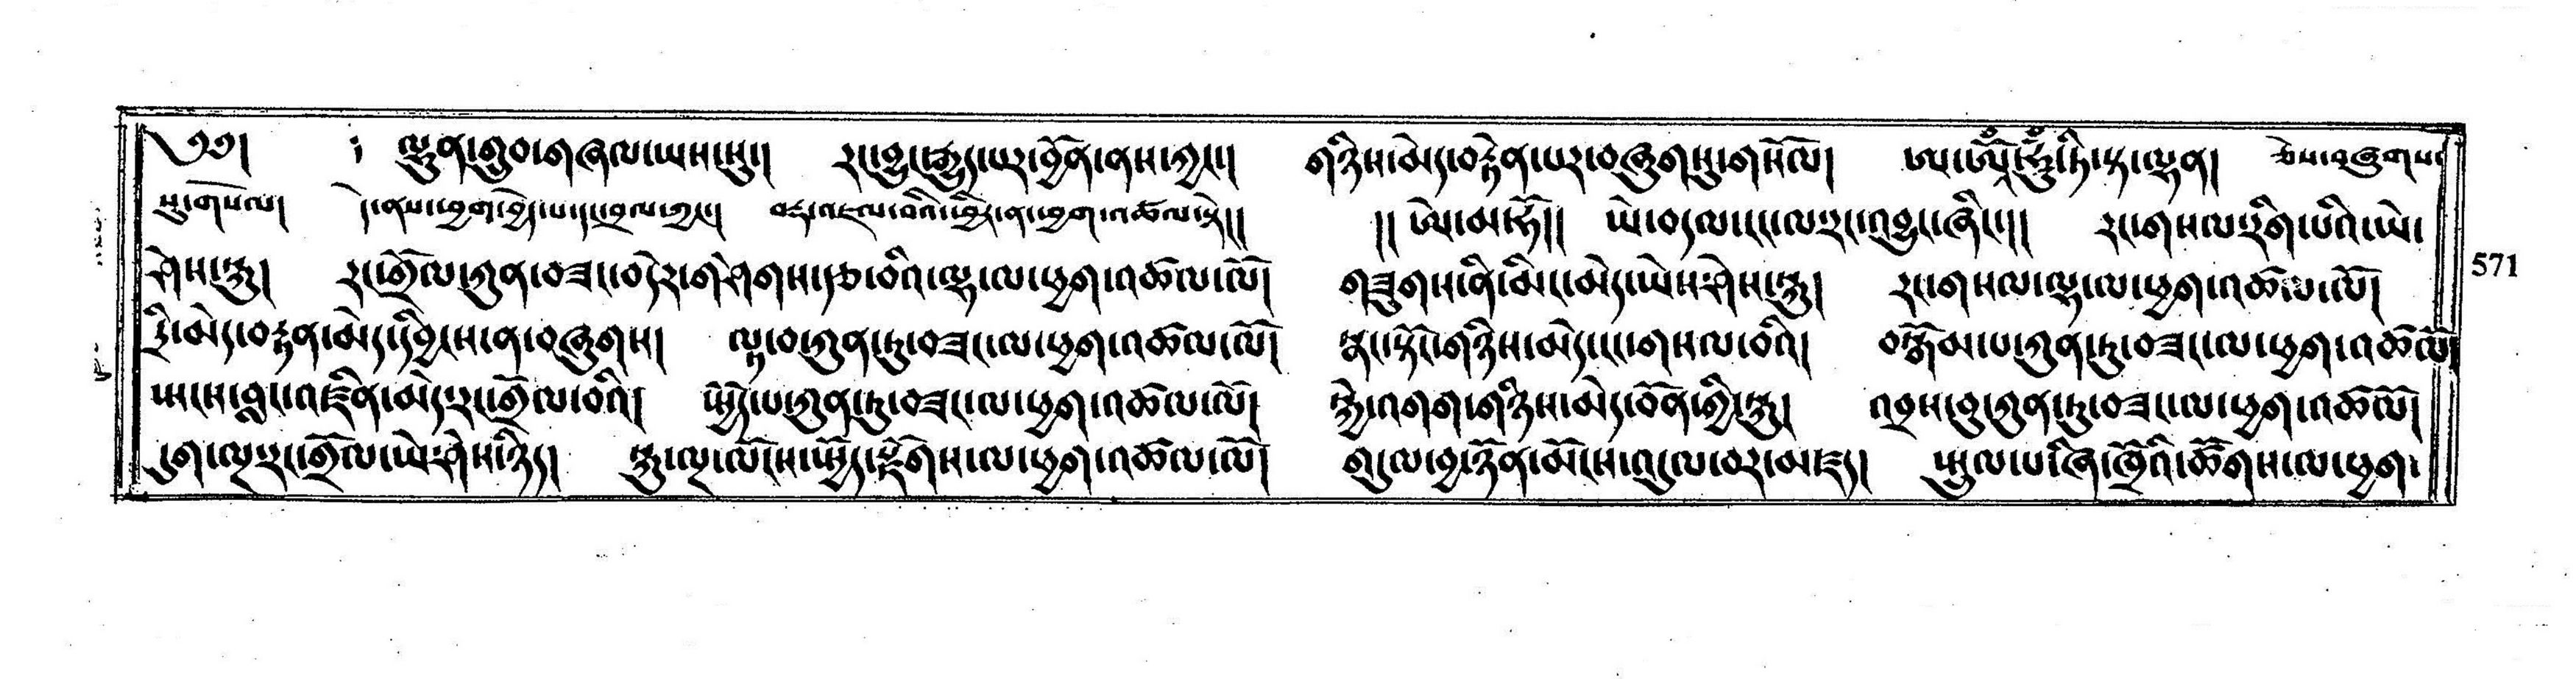ལྷུན་གྲུབ་གཞལ་ཡས་སུ། རང་བྱུང་རྒྱུད་པར་བྱོན་ནས་ཀྱང་། གཉིས་མེད་བརྟེན་པར་བཞུགས་སུ་གསོལ། ཨ་ཨཱོཾ་ཧཱུྃ་ཏི་ལྷན། ཅེས་བཞུགས་
སུ་གསོལ། དེ་ནས་ཕྱག་བྱེད་པ་དང་བྲལ་ཀྱང་། བརྡ་འཇལ་བའི་ཕྱིར་ན་ཕྱག་འཚལ་སྟེ། །།ཨེ་མ་ཧོ།། ཡེ་བདལ་ངང་ལ་རང་འབྱུང་ཞིང་།། རང་གསལ་རིག་པའི་ཡེ་
ཤེས་སྐུ། རང་གྲོལ་ཀུན་བཟང་བདེར་གཤེགས་རྩ་བའི་ལྷ་ལ་ཕྱག་འཚལ་ལོ། གཟུགས་ནི་མིང་མེད་ཡེ་ཤེས་སྐུ། རང་གསལ་ལྷ་ལ་ཕྱག་འཚལ་ལོ། 
དྲི་མེད་བརྟན་མེད་དབྱིངས་ན་བཞུགས། ལྟ་བ་ཀུན་ཏུ་བཟང་ལ་ཕྱག་འཚལ་ལོ། སྣང་སྟོང་གཉིས་མེད་ངང་གསལ་བའི། བསྒོམ་པ་ཀུན་ཏུ་བཟང་ལ་ཕྱག་འཚལ་ལོ། 
སྤངས་བླང་འཛིན་མེད་རང་གྲོལ་བའི། སྤྱོད་པ་ཀུན་ཏུ་བཟང་ལ་ཕྱག་འཚལ་ལོ། སྐྱེ་འགག་གཉིས་མེད་བོན་གྱི་སྐུ། འབྲས་བུ་ཀུན་ཏུ་བཟང་ལ་ཕྱག་འཚལ་ལོ། 
དུག་ལྔ་རང་གྲོལ་ཡེ་ཤེས་ཉིད། སྐུ་ལྔ་ལོངས་སྤྱོད་རྫོགས་ལ་ཕྱག་འཚལ་ལོ། གདུལ་བྱ་ཉོན་མོངས་འདུལ་བར་མཛད། སྤྲུལ་པ་ཞི་ཁྲོའི་ཚོགས་ལ་ཕྱག་